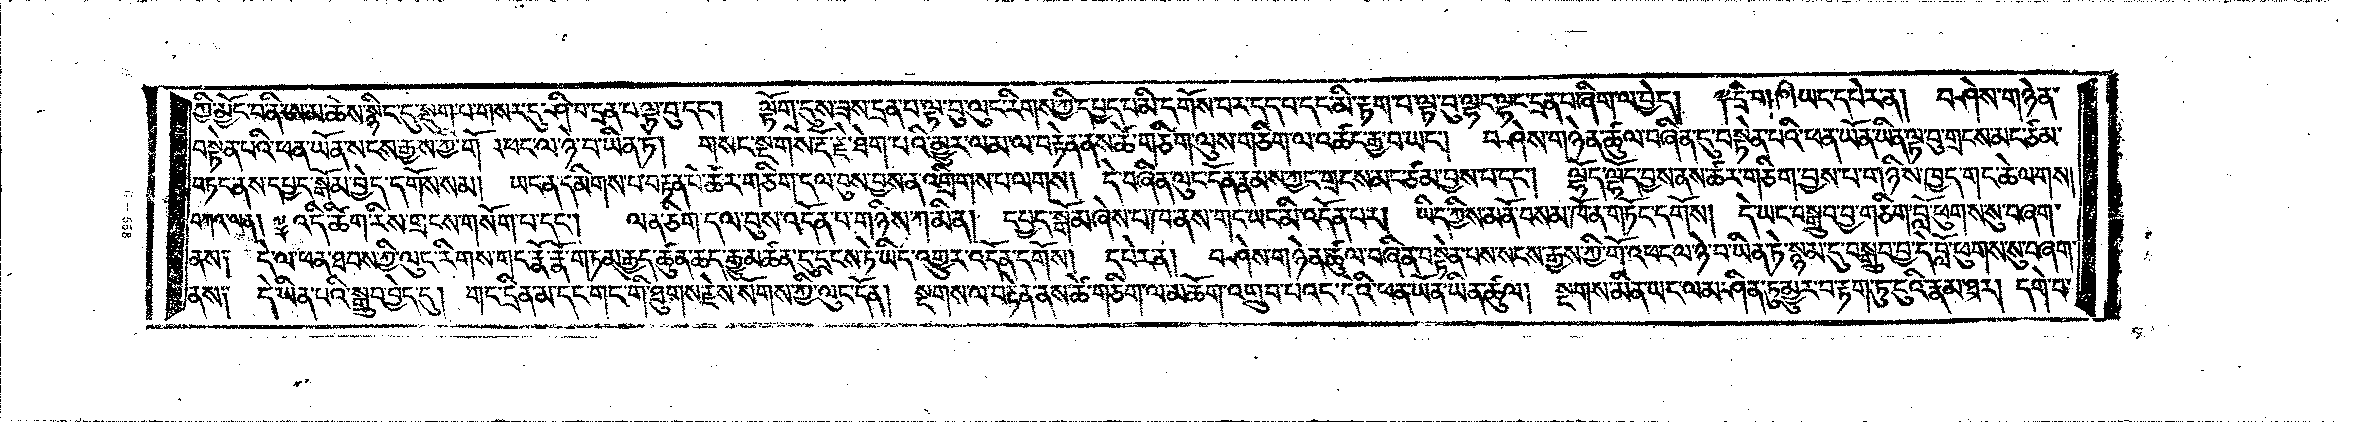ཀྱི་མྱོང་བ་ནི་ཨ་མ་ཆེས་སྙིང་དུ་སྡུག་པ་གསར་དུ་ཤི་བ་དྲན་པ་ལྟ་བུ་དང་། ལྟོག་དུས་ཟས་དྲན་པ་ལྟ་བུ་ལུང་རིགས་ཀྱི་དཔྱད་པ་མི་དགོས་པར་དད་པ་དང་མི་རྟག་པ་ལྟ་བུ་ལྷང་ལྷང་དྲན་པ་ཞིག་ལ་བྱེད། ༈ དྲི་བ།  ༼྾༽ ཡང་དཔེར་ན། བཤེས་གཉེན་
བསྟེན་པའི་ཕན་ཡོན་སངས་རྒྱས་ཀྱི་གོ་འཕང་ལ་ཉེ་བ་ཡིན་ཏེ། གསང་སྔགས་རྡོ་རྗེ་ཐེག་པའི་མྱུར་ལམ་ལ་བརྟེན་ནས་ཚེ་གཅིག་ལུས་གཅིག་ལ་འཚང་རྒྱ་བ་ཡང་། བཤེས་གཉེན་ཚུལ་བཞིན་དུ་བསྟེན་པའི་ཕན་ཡོན་ཡིན་ལྟ་བུ་གྲངས་མང་ཙམ་
ཕ༹བཏང་ནས་དཔྱད་སྒོམ་བྱེད་དགོས་སམ། ཡང་ན་དམིགས་པ་བརྟན་པོ་ཚེར་གཅིག་དལ་བུས་བྱས་ན་འགྲིགས་པ་ལགས། དེ་བཞིན་ལུང་དོན་རྣམས་ཀྱང་གྲངས་མང་ཙམ་བྱས་པ་དང་། ལྷོད་ལྷོད་བྱས་ནས་ཚར་གཅིག་བྱས་པ་གཉིས་ཁྱད་གང་ཆེ་ལགས།
བཀའ་ལན།  ༈ འདི་ཚིག་རིས་གྲངས་གསོག་པ་དང་། ལན་ཅིག་དལ་བུས་འདོན་པ་གཉིས་ཀ་མིན། དཔྱད་སྒོམ་ཞེས་པ་ཁ་ནས་གང་ཡང་མི་འདོན་པར། ཡིད་ཀྱིས་མནོ་བསམ་ཁོ་ན་གཏོང་དགོས། དེ་ཡང་བསྒྲུབ་བྱ་གཅིག་བློ་ཕུགས་སུ་བཞག་
ནས༑ དེ་ལ་ཕན་ཐབས་ཀྱི་ལུང་རིགས་རྣོ་རྣོ་གཏམ་རྒྱུད་ཚད་རྒྱུ་མཚན་དུ་དྲངས་ཏེ་ཡིད་འགྱུར་འདོན་དགོས། དཔེར་ན། བཤེས་གཉེན་ཚུལ་བཞིན་བསྟེན་པས་སངས་རྒྱས་ཀྱི་གོ་འཕང་ལ་ཉེ་བ་ཡིན་ཏེ་སྙམ་དུ་བྱ་དེ་བློ་ཕུགས་སུ་བཞག་
ནས༑ དེ་ཡིན་པའི་སྒྲུབ་བྱེད་དུ། གང་དྲིན་མ་དང་གང་གི་ཐུགས་རྗེས་སོགས་ཀྱི་ལུང་དོན། སྔགས་ལ་བརྟེན་ནས་ཚེ་གཅིག་ལ་མཆོག་འགྲུབ་པའང་དེའི་ཕན་ཡོན་ཡིན་ཚུལ། སྔགས་མིན་ཡང་ལམ་ཤིན་ཏུ་མྱུར་བ་རྟག་ཏུ་ངུའི་རྣམ་ཐར། དགེ་བ་